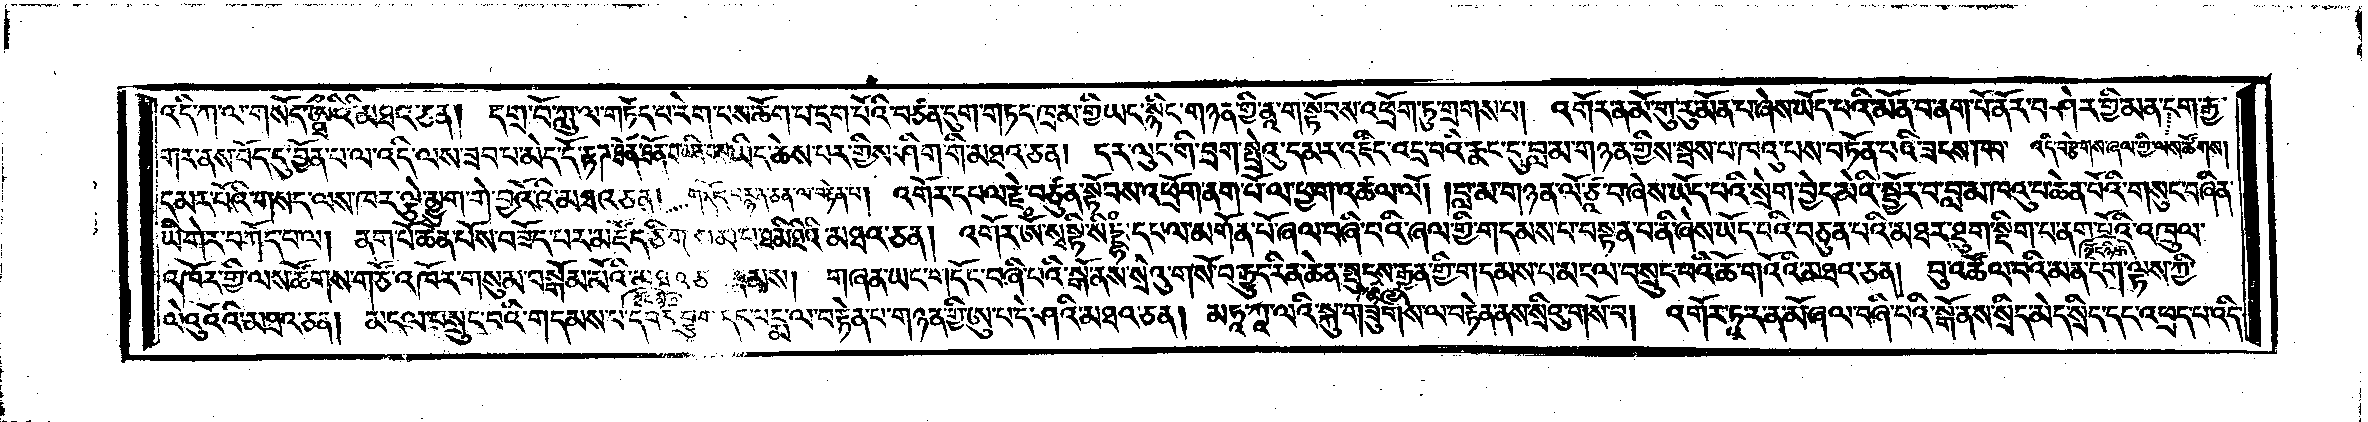འདི་ཀ་ལ་གསོད་ཨིཐིའི་མཐའ་ཅན། དགྲ་བོ་ཀླུ་ལ་གཏོད་པ་རེག་པས་ཆོག་པ་དྲག་པོའི་བཙན་དུག་གཏད་ཁྲམ་གྱི་ཡང་སྙིང་གཉན་གྱི་ནཱ་ག་སྟོབས་འགྲོག་ཏུ་གྲགས་པ། འགོར་ན་མོ་གུ་རུ་མོན་པ་ཞེས་ཡོད་པའི་མོན་པ་ནག་པོ་ནོར་བཤེར་གྱི་འདི་བརྩེགས་ཞལ་གྱི་ལས་ཚོགས།  མན་ངག་རྒྱ་
གར་ནས་བོད་དུ་བྱོན་པ་ལ་འདི་ལས་ཟབ་པ་མེད་དོ་རྟཌ་ཐོན་ཐོན་པ་ཡིན་པས་ཡིད་ཆེས་པར་གྱིས་ཤིག་གི་མཐའ་ཅན། དར་ལུང་གི་བྲག་སྤྲེའུ་དམར་འཛིང་འདྲ་བའི་རྨང་དུ་བླ་མ་གཉན་གྱིས་སྦས་པ་ཁའུ་པས་བཏོན་པའི་ཟངས་ཁབ་
དམར་པོའི་གསད་ལས་ཁར་ལྕེ་མྱུག་གེ་བྱའོའི་མཐའ་ཅན། གདོང་བརྙན་ཅན་ལ་བརྟེན་པ།  འགོར་དཔལ་རྗེ་བཙུན་སྟོབས་འཕྲོག་ནག་པོ་ལ་ཕྱག་འཚལ་ལོ། །བླ་མ་གཉན་ལོ་ཙཱ་བ་ཞེས་ཡོད་པའི་སྲེག་བྱེད་མེའི་སྦྱོར་བ་བླ་མ་ཁའུ་པ་ཆེན་པོའི་གསུང་བཞིན་
ཡི་གེར་བཀོད་པ་ལ། ནག་པོ་ཆེན་པོས་བཟོད་པར་མཛོད་ཅིག་སམ་པ་ཐ་མི་ཐིའི་མཐའ་ཅན། འགོར་ཨོཾ་སྭ་སྟི་སིདྡྷཾ་དཔལ་མགོན་པོ་ཞལ་བཞི་བའི་ཞལ་གྱི་གདམས་པ་བསྟན་པ་ནི་ཞེས་ཡོད་པའི་བཅུན་པའི་མཐར་ཐུག་སྡིག་པ་ནག་པོའི་འཁྲུལ་
འཁོར་གྱི་ལས་ཚོགས་གཙོ་འཁོར་གསུམ་བསྒོམ་མོའི་མཐའ་ཅན་རྣམས། གཞན་ཡང་གདོང་བཞི་པའི་སྒོ་ནས་སྲེའུ་གསོ་པ་རྒྱུད་རིན་ཆེན་སྤུངས་རྒྱན་གྱི་གདམས་པ་མངལ་བསྲུང་བའི་ཆོ་གའོའི་མཐའ་ཅན། བུ་འཚོལ་བའི་མན་ངག་ལྟས་ཀྱི་
ལེའུའོའི་མཐའ་ཅན། མངལ་བསྲུང་བའི་གདམས་པ་དབང་ཕྱུག་དང་པདམ་ལ་བརྟེན་པ་གཉན་གྱི་ཨུ་པ་དེ་ཤའི་མཐའ་ཅན། མཧཱ་ཀཱ་ལའི་སྐུ་གཟུགས་ལ་བརྟེན་ནས་སྲིའུ་གསོ་པ། འགོར་ཏཱ་ར་ན་མོ་ཞལ་བཞི་པའི་སྒོ་ནས་སྲིད་མེད་སྲིད་དང་འཕྲད་པ་འདི་